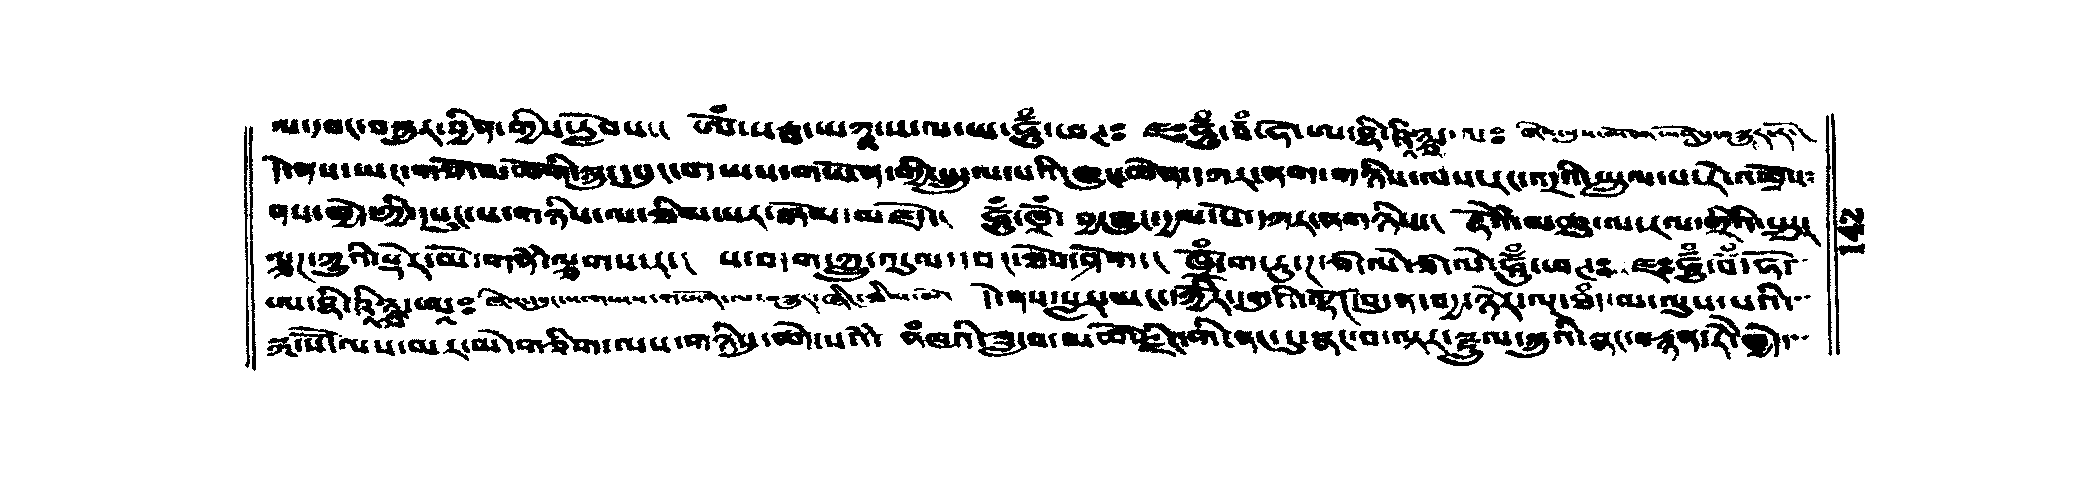ལ་དབང་བསྐུར་བྱིན་གྱིས་རློབས། ཨོཾ་སརྦ་ཡཀཱ་ཡམ་ཡ་ཧཱུྃ་ཕཊཿ ཛཿཧཱུ་བྃ་ཧོ་ཨ་བྷི་རཱིཉྩ་ཨཿཞེས་སུས་མོ་གཡོན་དུ་བསྐུར་རོ། 
དེ་ནས་ཡང་གཙོ་མཆོག་གི་སྐུ་དཔུང་གཡས་གཡོན་གྱི་སྤྲུལ་པའི་ཁྱུང་ཆེན་དཀར་ནག་གཉིས་ལས་རང་འདྲའི་སྤྲུལ་པ་རེ་འཕྲོས་
ནས་ཁྱེད་ཀྱི་དཔུང་པ་གཉིས་ལ་ཐིམ་པར་སྒོམ་མཛོད། ཧཱུྃ་ཁྲོཾ། བྱ་ཁྱུང་རྒྱལ་པོ་དཀར་ནག་གཉིས། རྡོ་རྗེའི་མཆུ་ལ་རལ་གྲིའི་སྤུ་
ལྕགས་ཀྱུའི་སྡེར་མོ་གནམ་ལྕགས་ར། ས་བདག་ཀླུ་འདུལ་དབང་ཐོབ་ཤིག ཁྲོཾ་ག་རུ་ཌ་ཙ་ལེ་ཙ་ལེ་ཧཱུྃ་ཕཊཿ ཛཿཧཱུྃ་བྃ་ཧོ་
ཨ་བྷི་རཱིཉྩ་ཨཱཿ ཞེས་དཔུང་པ་གཡས་གཡོན་ལ་བསྐུར་ཞིང་ཐིམ་མོ། དེ་ནས་སླར་ཡང་དཀྱིལ་འཁོར་དགུའི་ལྷ་ཚོགས་བདུན་བརྒྱ་ཉེར་ལྔ་ཐམས་ཅད་མ་ལུས་པའི་
སྐ་སོ་སོ་ལས་མར་མེ་གཅིག་ལས་གཉིས་སུ་ཆེད་པའམ། ནམ་མཁའི་ཟླ་བ་མཚོ་རྗིང་གི་ནང་དུ་སྣང་བ་ལྟར་རྫུ་འཕྲུལ་སྐུའི་སྣང་བ་བརྙན་རེ་རེ་ཁྱེད་